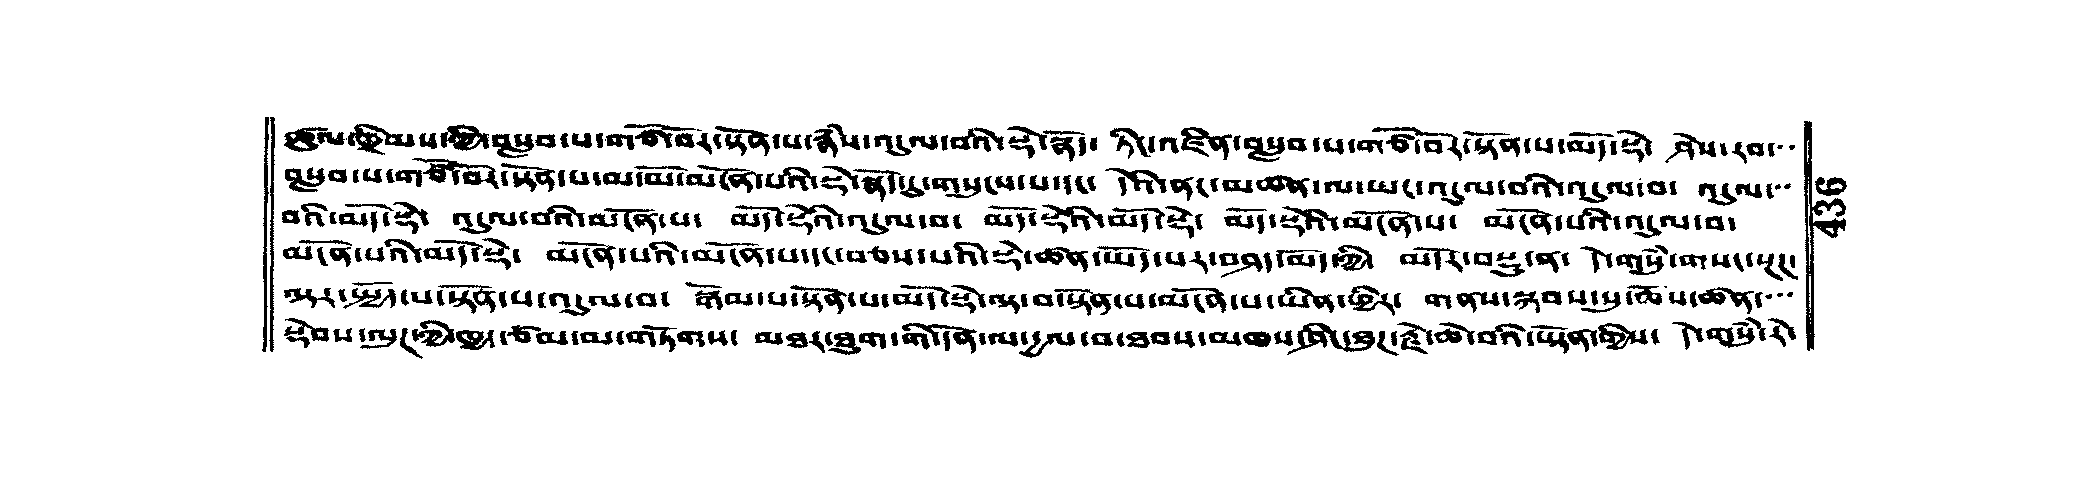ཚུལ་ཁྲིམས་ཀྱི་བསླབ་པ་གཙོ་བོར་སྟོན་པ་རྣམས་འདུལ་བའི་སྡེ་སྣོད། ཏིང་འཛིན་བསླབ་པ་གཙོ་བོར་སྟོན་པ་མདོ་སྡེ། ཤེས་རབ་
བསླབ་པ་གཙོ་བོར་སྟོན་པ་མ་མོ་མངོན་པའི་སྡེ་སྣོད་དུ་གསུངས་པ་དང་། དེའི་ནང་མཚན་ལ་ཡང་འདུལ་བའི་འདུལ་བ། འདུལ་
བའི་མདོ་སྡེ། འདུལ་བའི་མངོན་པ། མདོ་སྡེའི་འདུལ་བ། མདོ་སྡེའི་མདོ་སྡེ། མདོ་སྡེའི་མངོན་པ། མངོན་པའི་འདུལ་བ། 
མངོན་པའི་མདོ་སྡེ། མངོན་པའི་མངོན་པ་དང་བཅས་པའི་སྡེ་ཚན་ཡོད་པར་བཤད་མོད་ཀྱི། མདོར་བསྡུ་ན། དེ་གསུམ་གསང་སྔགས་
ལྟར་སྤྱོད་པ་སྟོན་པ་འདུལ་བ།སྒོམ་པ་སྟོན་པ་མདོ་སྡེ་ལྟ་བ་སྟོན་པ་མངོན་པ་ཡིན་ཕྱིར། གནས་སྐབས་སུ་ཆོས་ཚན་
སྡེབས་ལུགས་ཀྱི་ཁྱད་ཙམ་མ་གཏོགས། མཐར་ཐུག་གི་དོན་ལ་རྒྱལ་བ་ཐབས་མཁས་ཤིང་ཐུགས་རྗེ་ཆེ་བའི་ཡོན་ཏན་གྱིས། དེ་གསུམ་རེ་